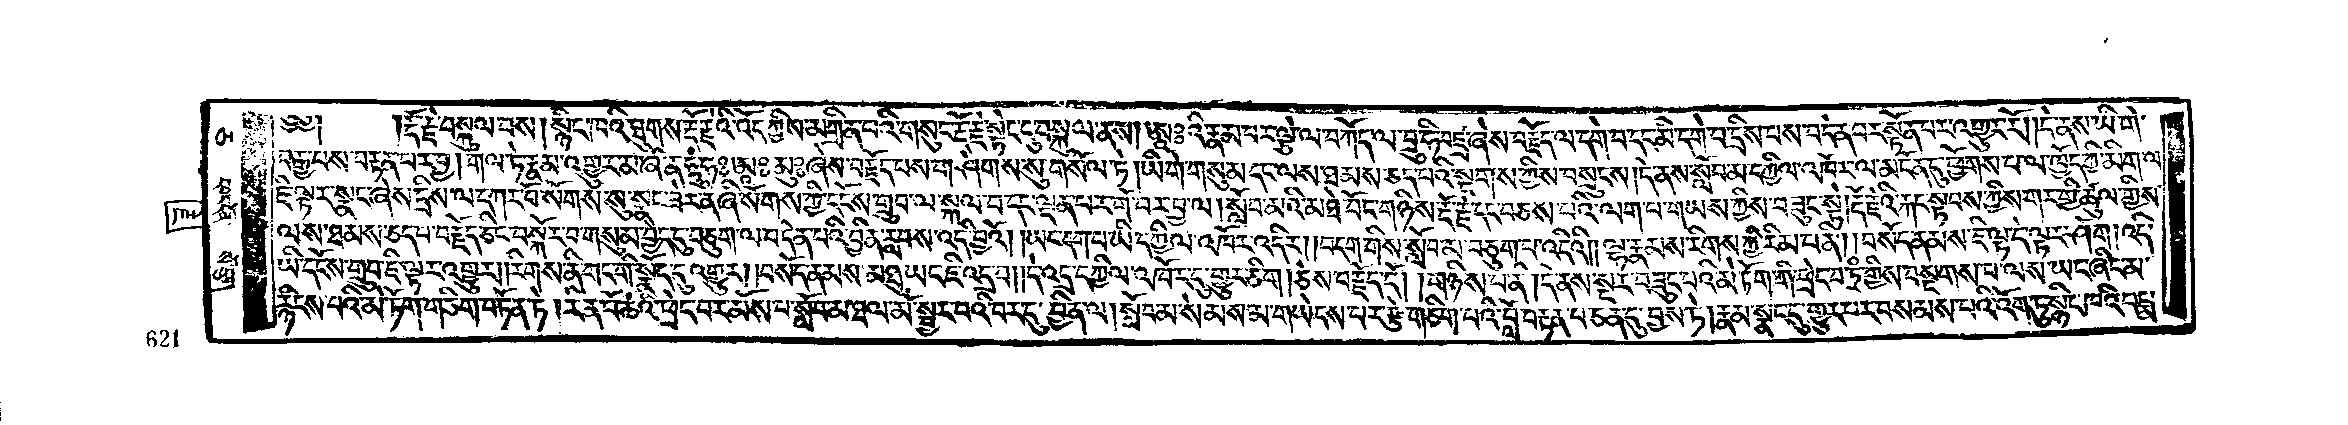༄༅། །རྡོ་རྗེ་བསྐུལ་བས། སྙིང་ཁའི་ཐུགས་རྡོ་རྗེའི་འོད་ཀྱིས་མགྲིན་པའི་གསུང་རྡོ་རྗེ་སྟེང་དུ་བསྐུལ་ནས། ཨཱཿའི་རྣམ་པར་ལྕེ་ལ་བཀོད་ལ་བྲུ་ཧི་བཛྲ་ཞེས་བརྗོད་ལ་དགེ་བ་དང་མི་དགེ་བ་དྲིས་པས་བདེན་པར་སྟོན་པར་འགྱུར་རོ། །དེ་ནས་ཡི་གེ་
བརྒྱ་པས་བརྟན་པར་བྱ། གལ་ཏེ་རྣམ་འགྱུར་མ་ཞི་ན་ཧཱུཾ་ཧཿ ཨཱཿ མུཿ ཞེས་བརྗོད་པས་གཤེགས་སུ་གསོལ་ཏེ། ཡི་གེ་གསུམ་དང་ལས་ཐམས་ཅད་པའི་སྔགས་ཀྱིས་བསྲུངས། དེ་ནས་སློབ་མ་དཀྱིལ་འཁོར་ལ་མངོན་དུ་ཕྱོགས་པ་ལ་ཁྱོད་ཀྱི་མིག་ལ་
ཇི་ལྟར་སྣང་ཞེས་དྲིས་ལ་དཀར་པོ་སོགས་སུ་སྣང་ཟེར་ན་ཞི་སོགས་ཀྱི་དངོས་གྲུབ་ལ་སྐལ་བ་དང་ལྡན་པར་གོ་བར་བྱ་ལ། སློབ་མའི་མཐེ་བོང་གཉིས་རྡོ་རྗེ་དང་བཅས་པའི་ལག་པ་གཡས་ཀྱིས་བཟུང་སྟེ། རྡོ་རྗེའི་རྐང་སྟབས་ཀྱིས་གར་གྱི་ཚུལ་གྱིས་
ལས་ཐམས་ཅད་པ་བརྗོད་ཅིང་བསྐེར་བ་གསུམ་བྱེད་དུ་བཅུག་ལ་བདེན་པའི་བྱིན་རླབས་འདི་བྱའོ། །ཡང་དག་པ་ཡི་དཀྱིལ་འཁོར་འདིར། །བདག་གིས་སློབ་མ་བཅུག་པ་འདིའི། །ལྷ་རྣམས་རིགས་ཀྱི་རིམ་པ་ནི། །བསོད་ནམས་ཇི་ལྟ་དེ་ལྟར་ཤོག །འདི་
ཡི་དངོས་གྲུབ་ཇི་ལྟར་འགྱུར། །རིགས་ནི་གང་གི་སྣོད་དུ་འགྱུར། །བསོད་ནམས་མཐུ་ཡང་ཇི་འདྲ་བ། །དེ་འདྲ་དཀྱིལ་འཁོར་དུ་གྱུར་ཅིག །ཅེས་བརྗོད་དོ། །གཉིས་པ་ནི། དེ་ནས་སྔར་བཟུང་པའི་མེ་ཏོག་གི་ཕྲེང་བ་ཏྲཾ་གྱིས་བསྔགས་པ་ལས་ཡང་ཞིང་མ་
རྙིངས་པའི་མེ་ཏོག་གཅིག་བཏོན་ཏེ། རིན་པོ་ཆེའི་ཕྲེང་བར་མོས་པ་སློབ་མ་ཐལ་མོ་སྦྱར་བའི་བར་དུ་བྱིན་ལ། སློབ་མ་སེམས་མ་གཡེངས་པར་རྩེ་གཅིག་པའི་བློ་བརྟན་པ་ཅན་དུ་བྱས་ཏེ། རྣམ་སྣང་དུ་གྱུར་པར་བསམས་པའི་འོག་ཏུ་སྙིང་ཁའི་པདམ་